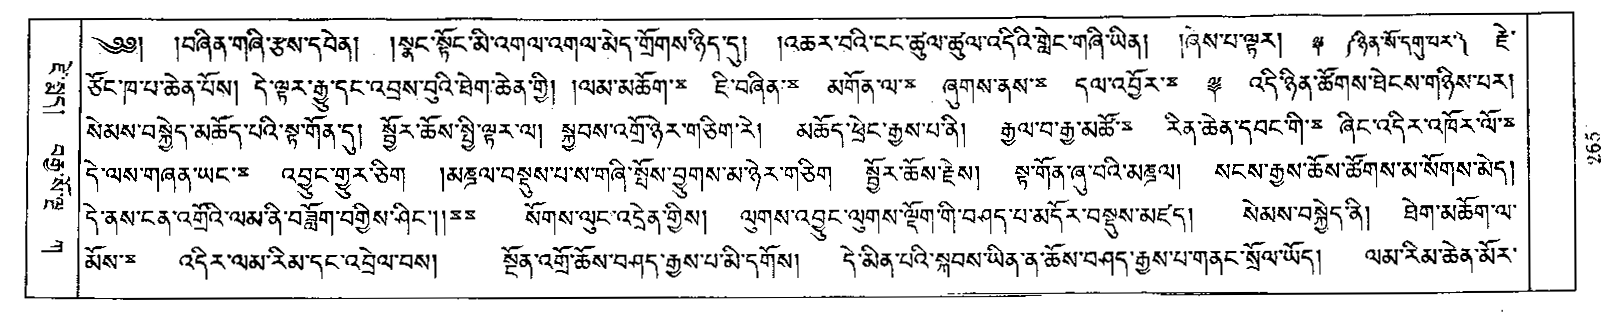༄༅། །བཞིན་གཞི་རྩས་དབེན། །སྣང་སྟོང་མི་འགལ་འགལ་མེད་གྲོགས་ཉིད་དུ། །འཆར་བའི་ངང་ཚུལ་ཚུལ་འདིའི་གླེང་གཞི་ཡིན། །ཞེས་པ་ལྟར། ༈ ཉིན་སོ་དགུ་པར྄་རྗེ་
ཙོང་ཁ་པ་ཆེན་པོས། དེ་ལྟར་རྒྱུ་དང་འབྲས་བུའི་ཐེག་ཆེན་གྱི། །ལམ་མཆོག་྾་ཇི་བཞིན་྾་མགོན་ལ་྾་ཞུགས་ནས་྾་དལ་འབྱོར་྾་༈ འདི་ཉིན་ཚོགས་ཐེངས་གཉིས་པར།
སེམས་བསྐྱེད་མཆོད་པའི་སྟ་གོན་དུ། སྦྱོར་ཆོས་སྤྱི་ལྟར་ལ། སྐྱབས་འགྲོ་ཉེར་གཅིག་རེ། མཆོད་ཕྲེང་རྒྱས་པ་ནི། རྒྱལ་བ་རྒྱ་མཚོ་྾་རིན་ཆེན་དབང་གི་྾་ཞིང་འདིར་འཁོར་ལོ་྾་
དེ་ལས་གཞན་ཡང་྾་འབྱུང་གྱུར་ཅིག །མཎྜལ་བསྡུས་པ་ས་གཞི་སྤོས་བྱུགས་མ་ཉེར་གཅིག་སྦྱོར་ཆོས་རྗེས། སྟ་གོན་ཞུ་བའི་མཎྜལ། སངས་རྒྱས་ཆོས་ཚོགས་མ་སོགས་མེད།
དེ་ནས་ངན་འགྲོའི་ལམ་ནི་བཟློག་བགྱིས་ཤིང།། ྾་སོགས་ལུང་འདྲེན་གྱིས། ལུགས་འབྱུང་ལུགས་ལྡོག་གི་བཤད་པ་མདོར་བསྡུས་མཛད། སེམས་བསྐྱེད་ནི། ཐེག་མཆོག་ལ་
མོས་྾་འདིར་ལམ་རིམ་དང་འབྲེལ་བས། སྔོན་འགྲོ་ཆོས་བཤད་རྒྱས་པ་མི་དགོས། དེ་མིན་པའི་སྐབས་ཡིན་ན་ཆོས་བཤད་རྒྱས་པ་གནང་སྲོལ་ཡོད། ལམ་རིམ་ཆེན་མོར་